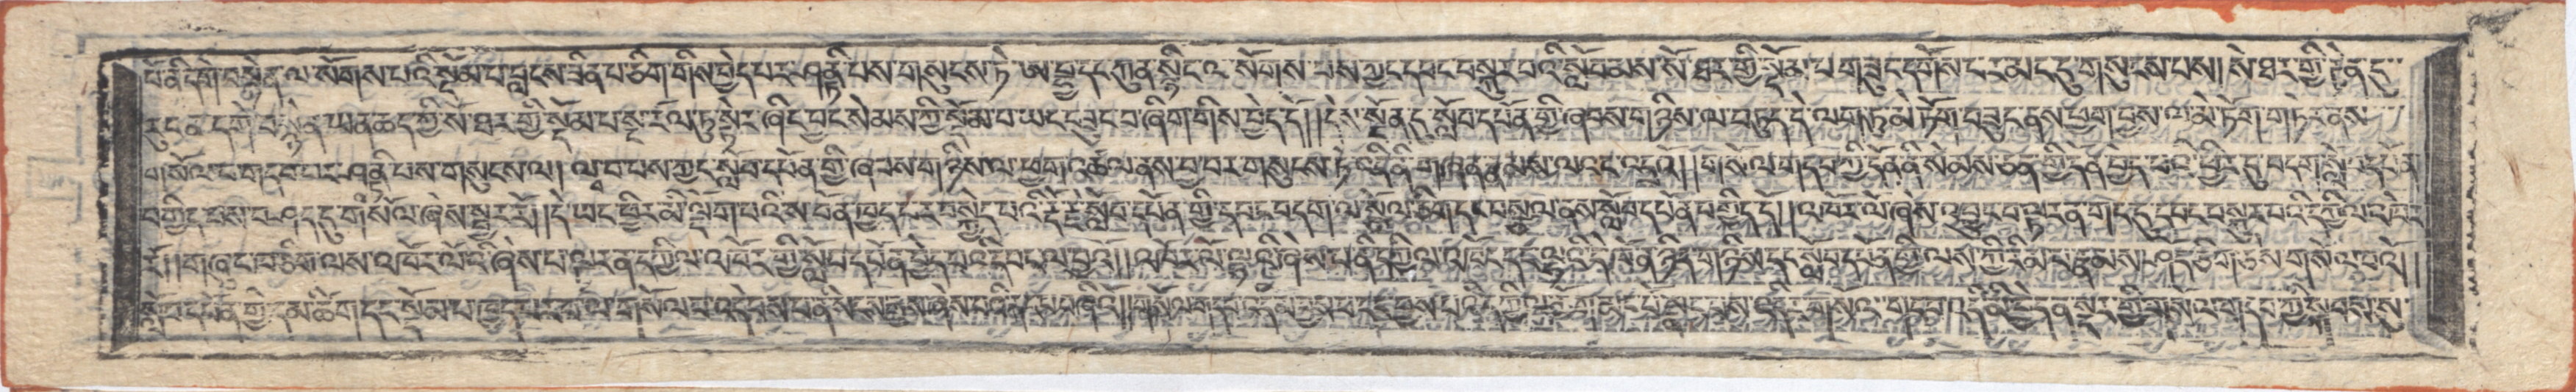པོ་ནི་དགེ་བསྙེན་ལ་སོགས་པའི་སྡོམ་པ་བླངས་ཟིན་པ་ཅིག་གི༨ས་བྱེད་པར་ཤནྟི་པས་གསུངས་ཏེ་ཨ་བྷྱ་དང་ཀུན་སྙིང་ལ་སོགས་པས་ཀྱང་དབང་བསྐུར་བའི་སློབ་མས་སོ་ཐར་གྱི་སྡོམ་པ་གཟུང་དགོས་པར་མང་དུ་གསུངས་པས། སོ་ཐར་གྱི་རྟེན་དུ་
རུང་ན་དགེ་བསྙེན་ཡང་ཆད་ཀྱི་སོར་ཐར་གྱི་སྡོམ་པ་སྔ་རོལ་ཏུ་སྟེར་ཞིང་བྱང་སེམས་ཀྱི་སྡོམ་པ་ཡང་བཟུང་བ་ཞིག་གིས་བྱེད་དོ། །དེས་སྔོན་དུ་སློབ་དཔོན་གྱི་ཞབས་གཉིས་ལ་བཏུད་དེ་ལག་ཏུ་མེ་ཏོག་བཟུང་ནས་ཕྱག་བྱས་ལ་མེ་ཏོག་གཏེར་ནས་
གསོལ་བ་གདབ་པར་ཤཱཏི་པས་གསུངས་ལ། ལྭ་བ་པས་ཀྱང་སློབ་དཔོན་གྱི་ཞབས་གཉིས་ལ་ཕྱག་འཚལ་ནས་བྱ་བར་གསུངས་ཏེ་འདི་ནི་གཞན་རྣམས་ལའང་འདྲའོ། །གསོལ་གདབ་ཀྱི་དོན་ནི་སེམས་ཅན་གྱི་དོན་བྱེད་པའི་ཕྱིར་དུ་བདག་སློབ་དཔོན་
བགྱིད་པས་བཤད་དུ་གསོལ་ཞེས་སྦྱར་རོ། །དེ་ཡང་ཕྱིར་མི་ལྡོག་པའི་ས་བོན་ཁྱད་པར་བསྐྱེད་པའི་རྡོ་རྗེ་སློབ་དཔོན་གྱི་དབང་བདག་ལ་སྩོལ་ཅིག་དང་བསྩལ་ནས་སློབ་དཔོན་བགྱིད་དོ། །འཁོར་ལོ་ཞེས་འབྱུང་བ་ལྟར་ན་གང་དུ་དབང་བསྐུར་བའི་དཀྱིལ་འཁོར་
རོ། །གཞུང་ཁ་ཅིག་ལས་འཁོར་ལོའི་ཞེས་པ་ལྟར་ན་དཀྱིལ་འཁོར་གྱི་སློབ་དཔོན་བྱེད་པའི་དབང་ལ་བྱའོ། །འཁོར་ལོ་ལྷའི་ཞེས་པ་ནི་དཀྱིལ་འཁོར་དང་ལྷའི་དེ་ཁོ་ན་ཉིད་གཉིས་དང་སློབ་དཔོན་གྱི་ལས་ཀྱི་རིམ་པ་རྣམས་ཤོད་ཅིག་ཅེས་གསོལ་བའོ། ། སློབ་དཔོན་གྱི་དམ་ཚིག་དང་སྡོམ་པ་ཁྱད་པར་བ་ལ་གསོལ་བ་འདེབས་པ་ནི་སངས་རྒྱས་ཞེས་པའི་རྐང་པ་བཞིའོ། །གསོལ་གདབ་འདི་མ་བྱས་པ་དང་བྱས་པའི་དཀྱིལ་ཆོག་མང་པོ་སྣང་བས་འདིར་གསོལ་གདབ་འདི་མི་བྱེད་ན་སྔར་གྱི་གསོལ་གདབ་ཀྱི་སྐབས་སུ་